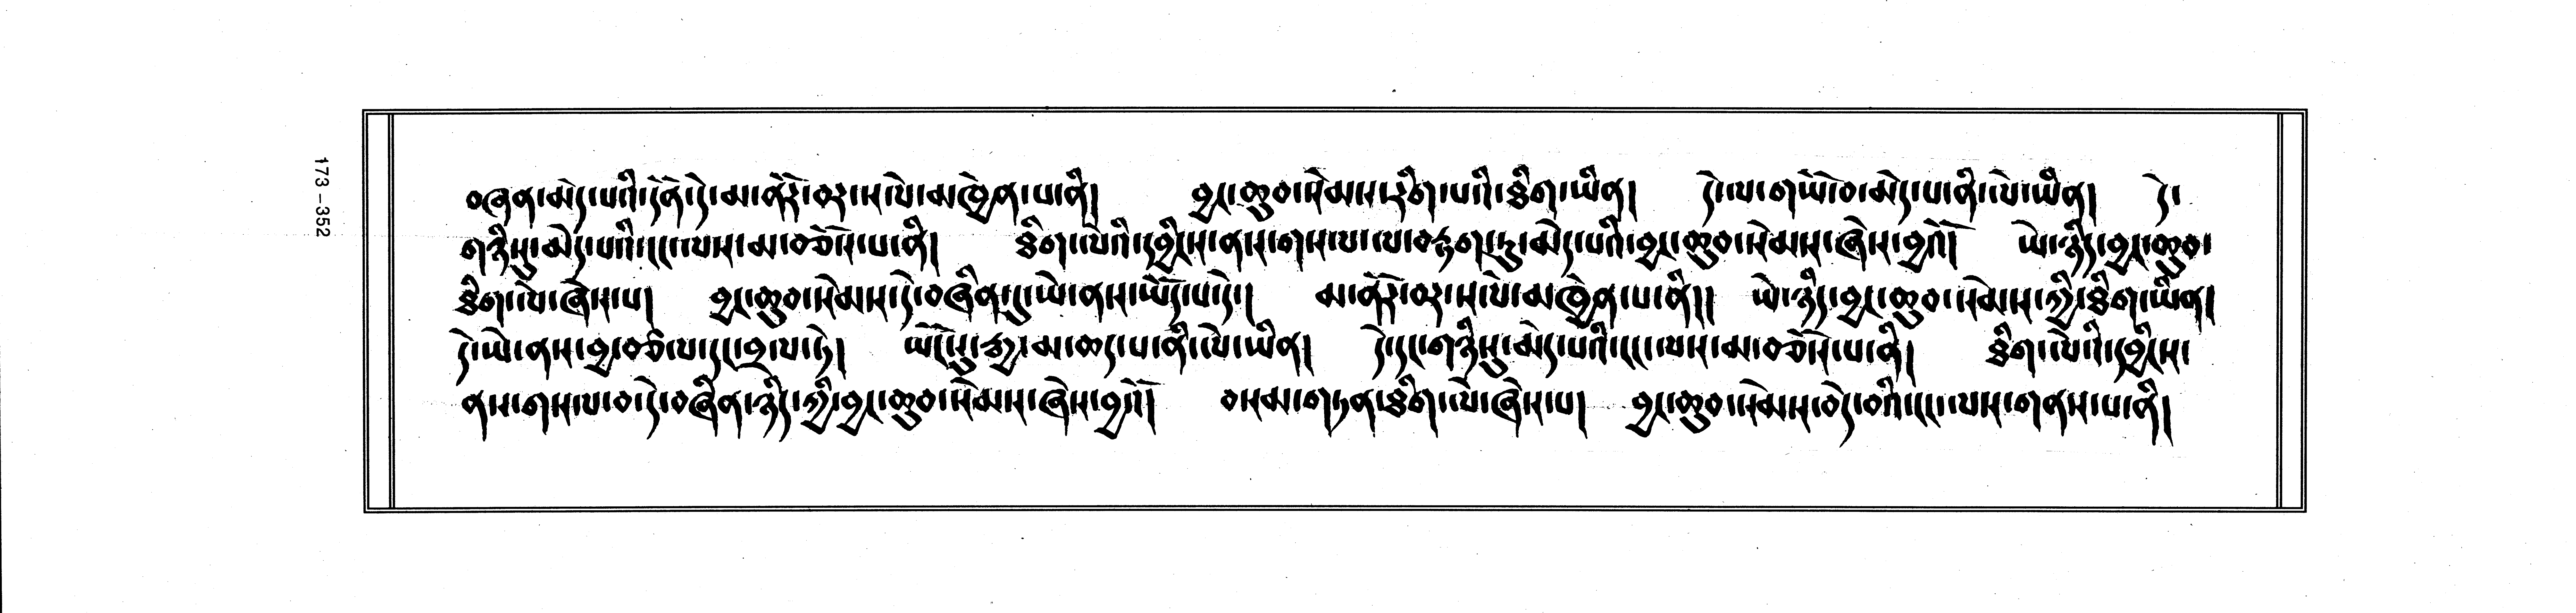བཞིན་མེད་པའི་དོན་དེ་མ་ནོར་བར་སལེ་མཁྱེན་པ་ནི། བྱང་ཆུབ་སེམས་རིག་པའི་ཐིག་ཡིན། དེ་ལ་གཡོ་བ་མེད་པ་ནི་ལེ་ཡིན། དེ་
གཉིས་སུ་མེད་པའི་ངང་ལ་མ་བཅོས་པ་ནི། ཐིག་ལེའི་དབྱིངས་ལ་གསལ་ལ་བརྟག་ཏུ་མེད་པའི་བྱང་ཆུབ་སེམས་ཞེས་བྱའོ། །ཡེ་ཉིད་བྱང་ཆུབ་
ཐིག་ལེ་ཞེས་པ། བྱང་ཆུབ་སེམས་དེ་བཞིན་དུ་ཡེ་ནས་ཡོད་པ་དེ། མ་ནོར་བར་སལེ་མཁྱེན་པ་ནི། ཡེ་ཉིད་བྱང་ཆུབ་སེམས་ཀྱི་ཐིག་ཡིན། 
དེ་ཡེ་ནས་བྱ་བརྩལ་དང་བྲལ་ཏེ། ཡོངས་སུ་རྒྱ་མ་ཆད་པ་ནི་ལེ་ཡིན། དེ་དང་གཉིས་སུ་མེད་པའི་ངང་ལས་མ་བཅོས་པ་ནི། ཐིག་ལེའི་དབྱིངས་
ནས་གསལ་བ་དེ་བཞིན་ཉིད་ཀྱི་བྱང་ཆུབ་སེམས་ཞེས་བྱའོ། །བསམ་གཏན་ཐིག་ལེ་ཞེས་པ། བྱང་ཆུབ་སེམས་བདེ་བའི་ངང་ལས་གནས་པ་ནི་